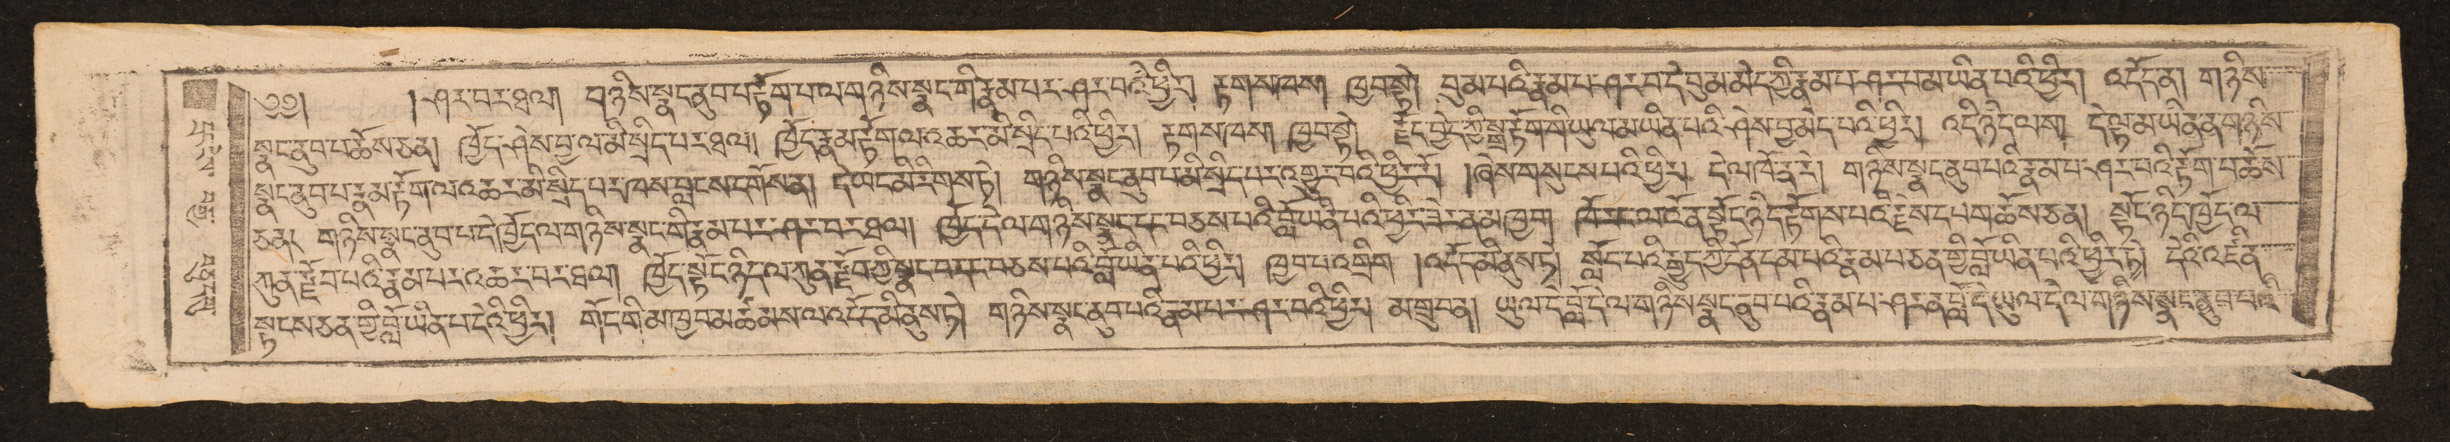༄༅། །ཤར་བར་ཐལ། གཉིས་སྣང་ནུབ་པ་རྟོག་པ་ལ་གཉིས་སྣང་གི་རྣམ་པར་ཤར་བའི་ཕྱིར། རྟགས་ཁས། ཁྱབ་སྟེ། བུམ་པའི་རྣམ་པ་ཤར་བ་དེ་བུམ་མེད་ཀྱི་རྣམ་པ་ཤར་བ་མ་ཡིན་པའི་ཕྱིར། འདོད་ན། གཉིས་
སྣང་ནུབ་པ་ཆོས་ཅན། ཁྱོད་ཤེས་བྱ་ལ་མི་སྲིད་པར་ཐལ། ཁྱོད་རྣམ་རྟོག་ལ་འཆར་མི་སྲིད་པའི་ཕྱིར། རྟགས་ཁས། ཁྱབ་སྟེ། རྗོད་བྱེད་ཀྱི་སྒྲ་རྟོག་གི་ཡུལ་མ་ཡིན་པའི་ཤེས་བྱ་མེད་པའི་ཕྱིར། འདི་ཉིད་ལས། དེ་ལྟ་མ་ཡིན་ན་གཉིས་
སྣང་ནུབ་པ་རྣམ་རྟོག་ལ་འཆར་མི་སྲིད་པར་ཁས་བླངས་དགོས་ན། དེ་ཡང་མི་རིགས་ཏེ། གཉིས་སྣང་ནུབ་པ་མི་སྲིད་པར་འགྱུར་བའི་ཕྱིར་རོ། །ཞེས་གསུངས་པའི་ཕྱིར། དེ་ལ་ཁོ་ན་རེ། གཉིས་སྣང་ནུབ་པའི་རྣམ་པ་ཤར་བའི་རྟོག་པ་ཆོས་
ཅན༑ གཉིས་སྣང་ནུབ་བ་དེ་ཁྱོད་ལ་གཉིས་སྣང་གི་རྣམ་པར་ཤར་བར་ཐལ། ཁྱོད་དེ་ལ་གཉིས་སྣང་དང་བཅས་པའི་བློ་ཡིན་པའི་ཕྱིར་ཟེར་ན་མ་ཁྱབ། ཁོ་རང་ལ་འོ་ན་སྟོང་ཉིད་རྟོགས་པའི་རྗེས་དཔག་ཆོས་ཅན། སྟོང་ཉིད་ཁྱོད་ལ་
ཀུན་རྫོབ་པའི་རྣམ་པར་འཆང་བར་ཐལ། ཁྱོད་སྟོང་ཉིད་ལ་ཀུན་རྫོབ་ཀྱི་སྣང་བ་དང་བཅས་པའི་བློ་ཡིན་པའི་ཕྱིར། ཁྱབ་པ་འགྲིག །འདོད་མི་ནུས་ཏེ། སློབ་པའི་རྒྱུད་ཀྱི་དོན་དམ་པའི་རྣམ་པ་ཅན་གྱི་བློ་ཡིན་པའི་ཕྱིར་ཏེ། དེའི་འཛིན་
སྟངས་ཅན་གྱི་བློ་ཡིན་པ་དེའི་ཕྱིར། གོང་གི་མ་ཁྱབ་མཚམས་ལ་འདོད་མི་ནུས་ཏེ། གཉིས་སྣང་ནུབ་པའི་རྣམ་པར་ཤར་བའི་ཕྱིར། མ་གྲུབ་ན། ཡུལ་དེ་བློ་དེ་ལ་གཉིས་སྣང་ནུབ་པའི་རྣམ་པ་ཤར་ན་བློ་དེ་ཡུལ་ངེ་ལ་གཉིས་སྣང་ནུབ་པའི་